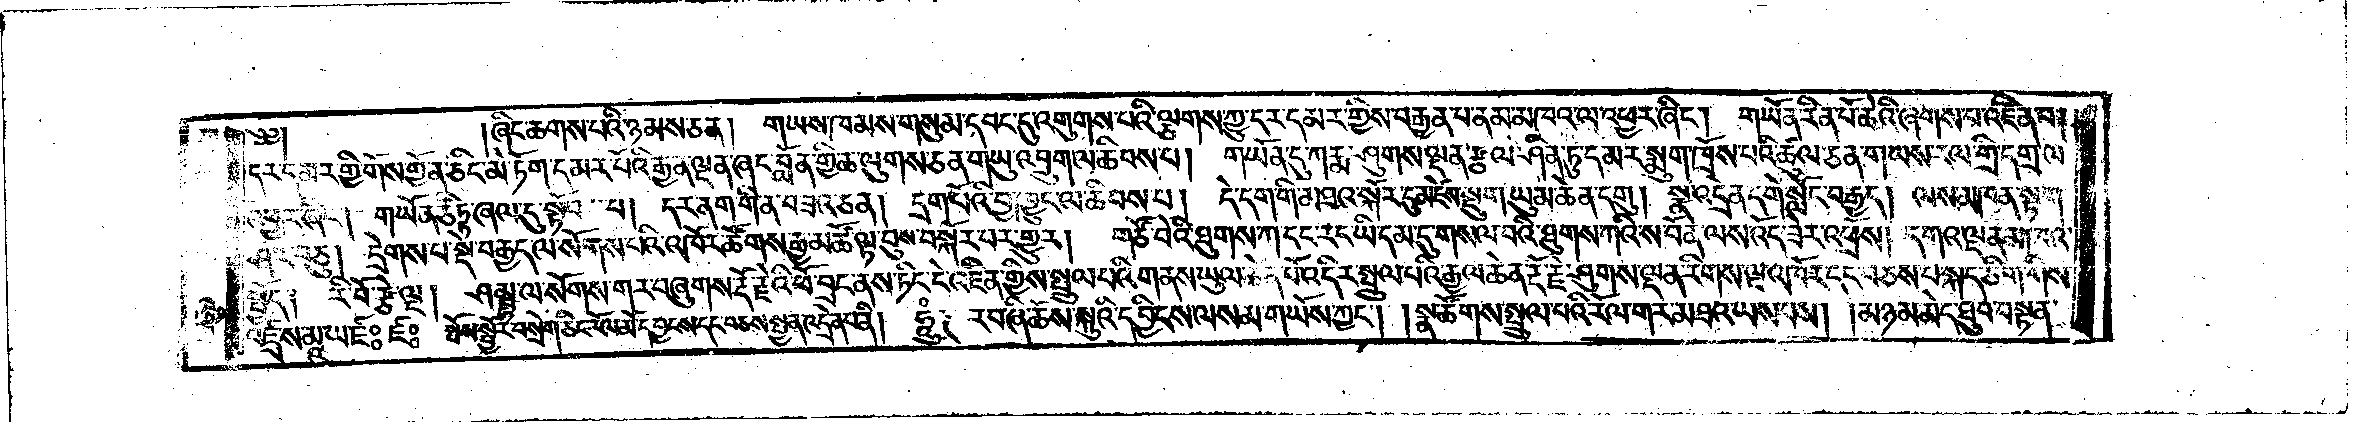༄༅། །ཞིང་ཆགས་པའི་ཉམས་ཅན། གཡས་ཁམས་གསུམ་དབང་དུ་འགུགས་པའི་ལྕགས་ཀྱུ་དར་དམར་གྱིས་བརྒྱན་པ་ནམ་མཁའ་ལ་འཕྱར་ཞིང་། གཡོན་རིན་པོ་ཆེའི་ཞགས་པ་འཛིན་པ།
དར་དམར་གྱི་གོས་གྱོན་ཅིང་མེ་ཏོག་དམར་པོའི་རྒྱན་ལྡན་ཞང་བློན་གྱི་ཆ་ལུགས་ཅན་གཡུ་འབྲུག་ལ་ཆིབས་པ། གཡོན་དུ་ཀརྨ་ཤུགས་ལྡན་རྩལ་ཤིན་ཏུ་དམར་སྨུག་ཁྲོས་པའི་ཚུལ་ཅན་གཡས་རལ་གྲི་དགྲ་ལ་
འཕྱར་ཞིང་། གཡོན་ཙིཏྟ་ཞལ་དུ་སྟོབ་པ། དར་ནག་གི་ན་བཟའ་ཅན། དྲག་པོའི་བྱ་ཁྱུང་ལ་ཆིབས་པ། དེ་དག་གི་མཐའ་སྐོར་དུ་མཛེས་སྡུག་ཡུམ་ཆེན་དགུ། སྣ་འདྲེན་དགེ་སློང་བརྒྱད། ལས་མཁན་སྟག་
ཤར་བཅུ། དྲེགས་པ་སྡེ་བརྒྱད་ལ་སོགས་པའི་འཁོར་ཚོགས་རྒྱ་མཚོ་ལྟ་བུས་བསྐོར་བར་གྱུར། གཙོ་བོའི་ཐུགས་ཀ་དང་རང་ཡི་དམ་དུ་གསལ་བའི་ཐུགས་ཀའི་ས་བོན་ལས་འོད་ཟེར་འཕྲོས། དགའ་ལྡན་མཁའ་
སྤྱོད༑ རི་བོ་རྩེ་ལྔ། ཤམྦྷ་ལ་སོགས་པར་བཞུགས་རྡོ་རྗེའི་ཕོ་བྲང་ནས་ཏིང་ངེ་འཛིན་གྱིས་སྤྲུལ་པའི་གནས་ཡུལ་ཆེན་པོ་འདིར་སྤྲུལ་པའི་རྒྱལ་ཆེན་རྡོ་རྗེ་ཤུགས་ལྡན་རིགས་ལྔ་འཁོར་དང་བཅས་པ་སྐད་ཅིག་གིས་
བཛྲས་མཱ་ཡ་ཛཿཛཿ སྦོས་སྦྱོར་བསྲེགས་ཅིང་རོལ་མོ་དབྱངས་དང་བཅས་སྤྱན་འདྲེན་པ་ནི།  ཧཱུཾ༑ རབ་ཞི་ཆོས་སྐུའི་དབྱིངས་ལས་མ་གཡོས་ཀྱང་། །སྣ་ཚོགས་སྤྲུལ་པའི་རོལ་གར་མཐའ་ཡས་པས། །མཉམ་མེད་ཐུབ་བསྟན་